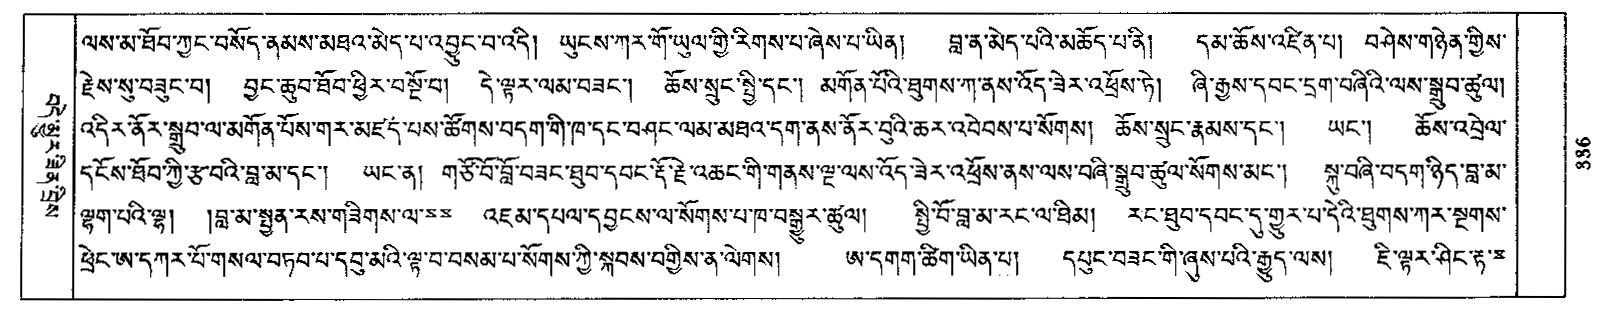ལས་མ་ཐོབ་ཀྱང་བསོད་ནམས་མཐའ་མེད་པ་འབྱུང་བ་འདི། ཡུངས་ཀར་གོ་ཡུལ་གྱི་རིགས་པ་ཞེས་པ་ཡིན། བླ་ན་མེད་པའི་མཆོད་པ་ནི། དམ་ཆོས་འཛིན་པ། བཤེས་གཉེན་གྱིས་
རྗེས་སུ་བཟུང་བ། བྱང་ཆུབ་ཐོབ་ཕྱིར་བསྔོ་བ། དེ་ལྟར་ལམ་བཟང་། ཆོས་སྲུང་སྤྱི་དང་། མགོན་པོའི་ཐུགས་ཀ་ནས་འོད་ཟེར་འཕྲོས་ཏེ། ཞི་རྒྱས་དབང་དྲག་བཞིའི་ལས་སྒྲུབ་ཚུལ།
འདིར་ནོར་སྒྲུབ་ལ་མགོན་པོས་གར་མཛད་པས་ཚོགས་བདག་གི་ཁ་དང་བཤང་ལམ་མཐའ་དག་ནས་ནོར་བུའི་ཆར་འབེབས་པ་སོགས། ཆོས་སྲུང་རྣམས་དང་། ཡང་། ཆོས་འབྲེལ་
དངོས་ཐོབ་ཀྱི་རྩ་བའི་བླ་མ་དང་། ཡང་ན། གཙོ་བོ་བློ་བཟང་ཐུབ་དབང་རྡོ་རྗེ་འཆང་གི་གནས་ལྔ་ལས་འོད་ཟེར་འཕྲོས་ནས་ལས་བཞི་སྒྲུབ་ཚུལ་སོགས་མང་། སྐུ་བཞི་བདག་ཉིད་བླ་མ་
ལྷག་པའི་ལྷ། །བླ་མ་སྤྱན་རས་གཟིགས་ལ་྾་྾་འཇམ་དཔལ་དབྱངས་ལ་སོགས་པ་ཁ་བསྒྱུར་ཚུལ། སྤྱི་བོ་བླ་མ་རང་ལ་ཐིམ། རང་ཐུབ་དབང་དུ་གྱུར་པ་དེའི་ཐུགས་ཀར་སྔགས་
ཕྲེང་ཨ་དཀར་པོ་གསལ་བཏབ་པ་དབུ་མའི་ལྟ་བ་བསམ་པ་སོགས་ཀྱི་སྐབས་བགྱིས་ན་ལེགས། ཨ་དགག་ཚིག་ཡིན་པ། དཔུང་བཟང་གི་ཞུས་པའི་རྒྱུད་ལས། ཇི་ལྟར་ཤིང་རྟ་྾་